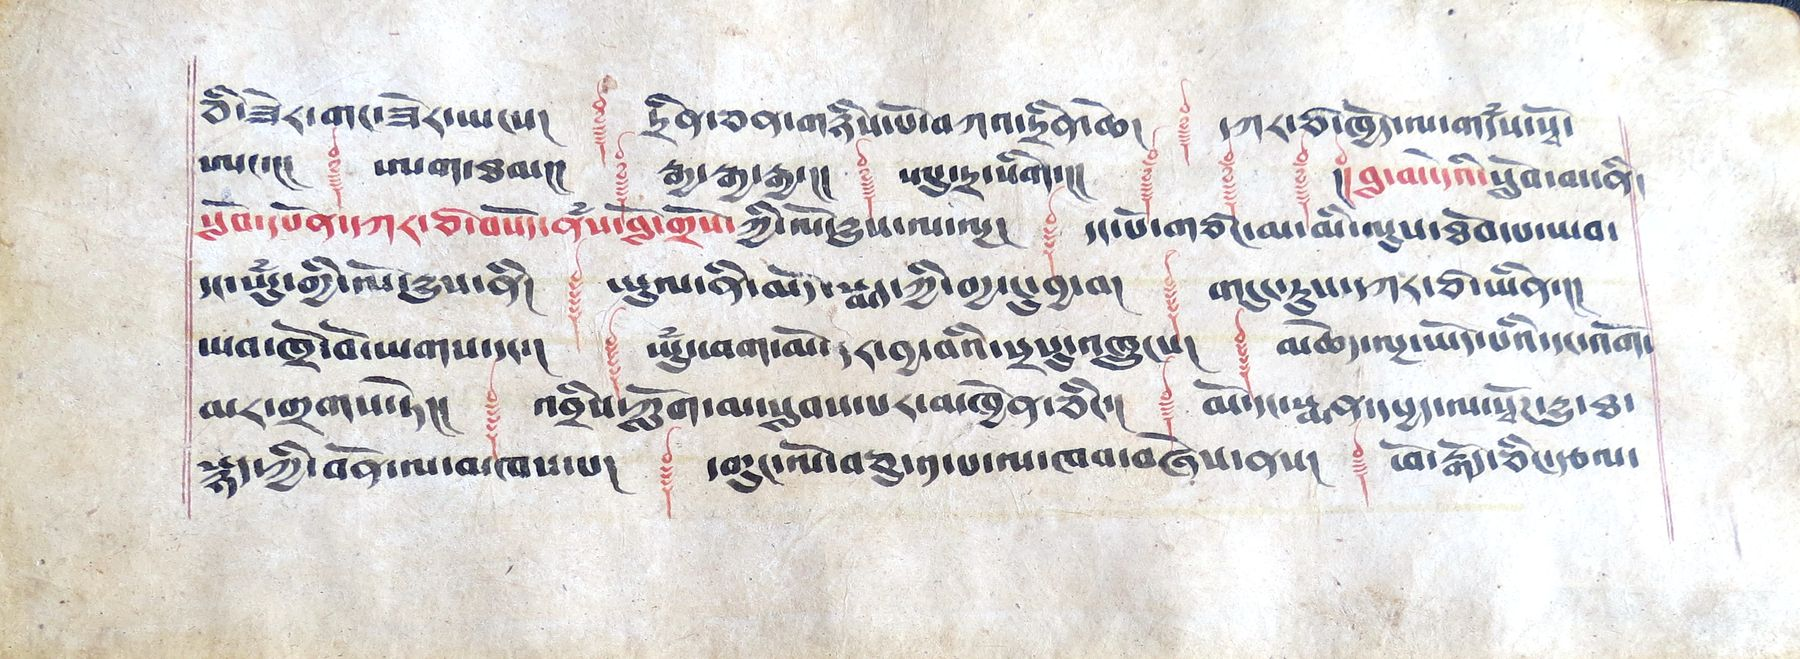ཅི་ཟེར་གང་ཟེར་ཡང་། དྲིན་ཅན་གཉིས་པོ་བཀའ་དྲིན་ཆེ། ཀར་ཚ་ཁྱོད་ལ་གདམས་སོ་
ཨང་། ཨག་ཐམ། རྒྱ་རྒྱ་རྒྱ། ཨུ་ཏྲ་སིག། བླ་མ་དེའི་སློབ་མ་ནི། 
སློབ་དཔོན་ཀར་ཚ་བསོད་ནམས་བློ་གྲོས་ཀྱི་ལོ་རྒྱུས་ལ་ལྔ། དང་པོ་གཙང་མ་མི་ལུས་ཐོབ་པ་ཡབ་
དང་ཡུམ་གྱི་ལོ་རྒྱུས་ནི། ཡུལ་ནི་མདོ་སྨད་ཀྱི་གྱོད་ངུ་བྱ་བ། གདུང་རུས་ཀར་ཚ་ཡིན། 
ཡབ་ཁྲོ་བོ་ཡག་དང་། ཡུམ་ཕག་མོ་དར་བྱ་བའི་སྲས་སུ་འཁྲུངས། སྐུ་མཆེད་ལྔ་ཡོད་པའི་དང་འོག་
མར་གྲགས་ཏེ། བྲིས་ཀློག་མ་བསླབ་པར་མཁྱེན་ཞིང་། མོ་དང་སྨན་དཔྱད་ལས་སོགས་རྒྱུ་ཐ་
སྙད་ཀྱི་བོན་ལ་མཁས་པ། དགུང་ལོ་བཅུ་གཅིག་པ་ལ་ཁབ་བཞེས་ནས། ཕོ་རྒོད་ཅིང་རྩལ་